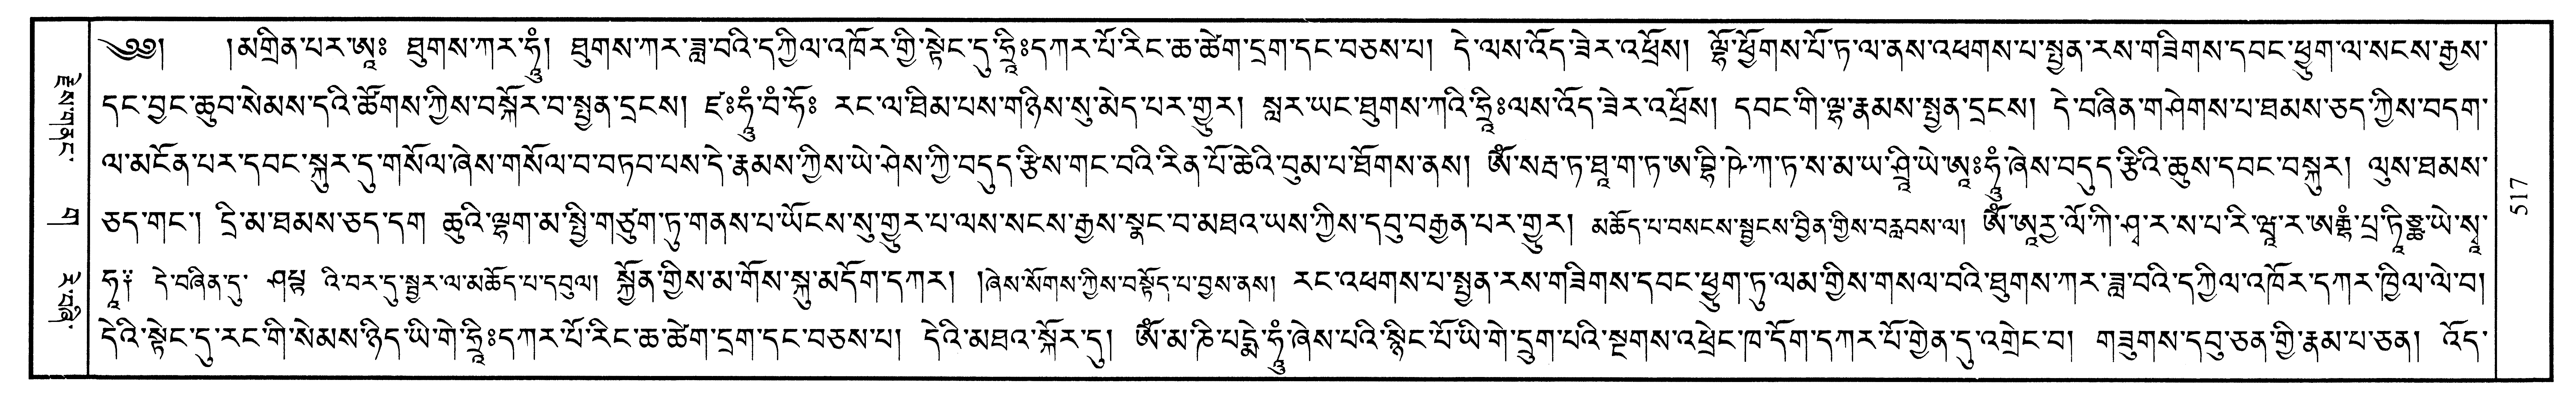༄༅། །མགྲིན་པར་ཨཱཿ ཐུགས་ཀར་ཧཱུཾ། ཐུགས་ཀར་ཟླ་བའི་དཀྱིལ་འཁོར་གྱི་སྟེང་དུ་ཧྲཱིཿ དཀར་པོ་རིང་ཆ་ཚེག་དྲག་དང་བཅས་པ། དེ་ལས་འོད་ཟེར་འཕྲོས། ལྷོ་ཕྱོགས་པོ་ཏ་ལ་ནས་འཕགས་པ་སྤྱན་རས་གཟིགས་དབང་ཕྱུག་ལ་སངས་རྒྱས་
དང་བྱང་ཆུབ་སེམས་དའི་ཚོགས་ཀྱིས་བསྐོར་བ་སྤྱན་དྲངས། ཛཿ ཧཱུཾ་བཾ་ཧོཿ རང་ལ་ཐིམ་པས་གཉིས་སུ་མེད་པར་གྱུར། སླར་ཡང་ཐུགས་ཀའི་ཧྲཱིཿ ལས་འོད་ཟེར་འཕྲོས། དབང་གི་ལྷ་རྣམས་སྤྱན་དྲངས། དེ་བཞིན་གཤེགས་པ་ཐམས་ཅད་ཀྱིས་བདག་
ལ་མངོན་པར་དབང་སྐུར་དུ་གསོལ་ཞེས་གསོལ་བ་བཏབ་པས་དེ་རྣམས་ཀྱིས་ཡེ་ཤེས་ཀྱི་བདུད་རྩིས་གང་བའི་རིན་པོ་ཆེའི་བུམ་པ་ཐོགས་ནས། ཨོཾ་སརྦ་ཏ་ཐཱ་ག་ཏ་ཨ་བྷི་ཥེ་ཀ་ཏ་ས་མ་ཡ་ཤྲཱི་ཡེ་ཨཱཿ ཧཱུཾ་ཞེས་བདུད་རྩིའི་ཆུས་དབང་བསྐུར། ལུས་ཐམས་
ཅད་གང་། དྲི་མ་ཐམས་ཅད་དག་ཆུའི་ལྷག་མ་སྤྱི་གཙུག་ཏུ་གནས་པ་ཡོངས་སུ་གྱུར་པ་ལས་སངས་རྒྱས་སྣང་བ་མཐའ་ཡས་ཀྱིས་དབུ་བརྒྱན་པར་གྱུར། མཆོད་པ་བསངས་སྦྱངས་བྱིན་གྱིས་བརླབས་ལ། ཨོཾ་ཨཱརྱ་ལོ་ཀི་ཤྭ་ར་ས་པ་རི་ཝཱ་ར་ཨརྒྷཾ་པྲ་ཏཱིཙྪ་ཡེ་སྭཱ་
ཧཱ། དེ་བཞིན་དུ་ཤཔྟའི་བར་དུ་སྦྱར་ལ་མཆོད་པ་དབུལ། སྐྱོན་གྱིས་མ་གོས་སྐུ་མདོག་དཀར། །ཞེས་སོགས་ཀྱིས་བསྟོད་པ་བྱས་ནས། རང་འཕགས་པ་སྤྱན་རས་གཟིགས་དབང་ཕྱུག་ཏུ་ལམ་གྱིས་གསལ་བའི་ཐུགས་ཀར་ཟླ་བའི་དཀྱིལ་འཁོར་དཀར་ཁྱིལ་ལེ་བ།
དེའི་སྟེང་དུ་རང་གི་སེམས་ཉིད་ཡི་གེ་ཧྲཱིཿ དཀར་པོ་རིང་ཆ་ཚེག་དྲག་དང་བཅས་པ། དེའི་མཐའ་སྐོར་དུ། ཨོཾ་མ་ཎི་པདམེ་ཧཱུཾ་ཞེས་པའི་སྙིང་པོ་ཡི་གེ་དྲུག་པའི་སྔགས་འཕྲེང་ཁ་དོག་དཀར་པོ་གྱེན་དུ་འགྲེང་བ། གཟུགས་དབུ་ཅན་གྱི་རྣམ་པ་ཅན། འོད་